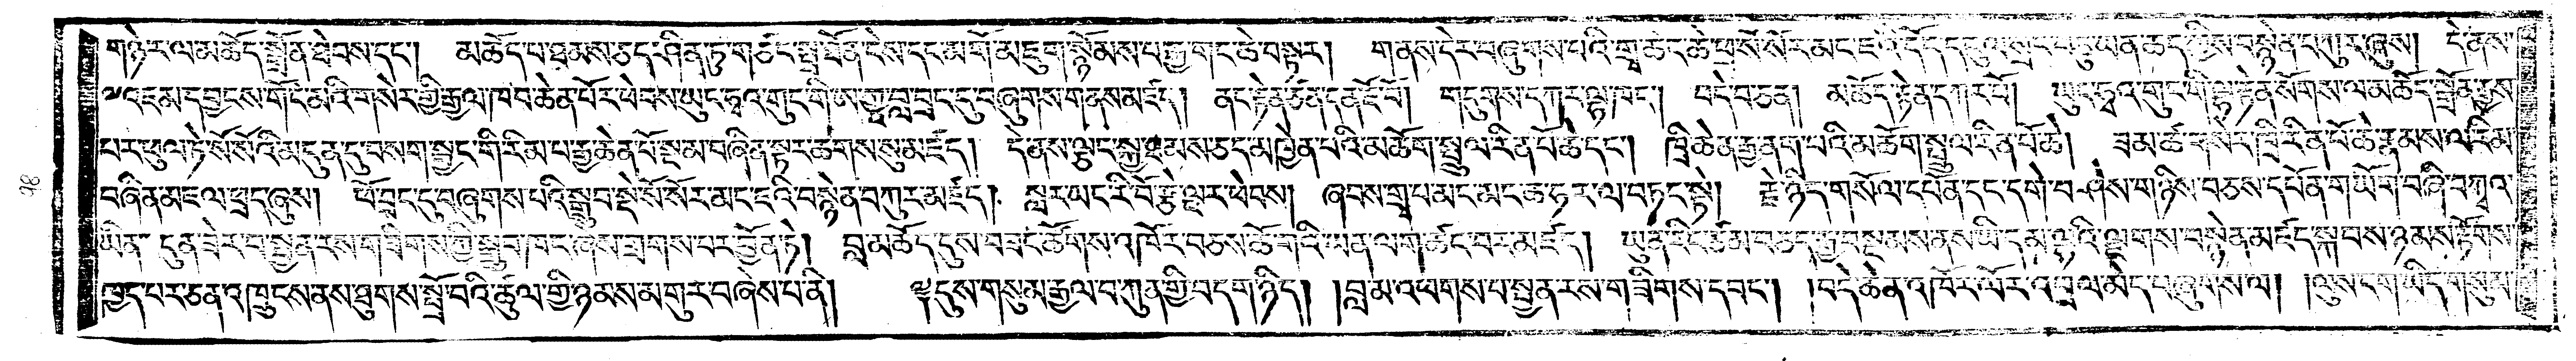གཉེར་ལ་མཆོད་སྒྲོན་ཐེབས་དང་། མཆོད་པ་ཐམས་ཅད་ཤིན་ཏུ་གཙང་སྦྲ་ཐོན་ངེས་དང་མགོ་མཇུག་སྙོམས་པ་རྒྱ་གང་ཆེ་བསྟར། གནས་དེར་བཞུགས་པའི་གྲྭ་ཚང་ཆེ་ཕྲ་སོ་སོར་མང་ཇའི་དོད་དངུལ་སྲང་བཅུ་ཡན་ཆད་ཀྱིས་བསྙེན་བཀུར་ཞུས། དེ་ནས་
༧འཇམ་དབྱངས་གོང་མའི་གསེར་གྱི་རྒྱལ་ཁབ་ཆེན་པོར་ཕེབས་ཡུང་ཧྭ་གུང་གི་ཨ་ཀྱཱ་བླ་བྲང་དུ་བཞུགས་གནས་མཛད། ནང་རྟེན་ཙན་དན་ཇོ་བོ། གདུགས་དཀར་ལྷ་ཁང་། བདེ་བ་ཅན། མཆོད་རྟེན་དཀར་པོ། ཡུང་ཧྭཱ་གུང་གི་ལྷ་རྟེན་སོགས་ལ་མཆོད་སྒྲོན་རྒྱས་
ཕར་ཕུལ་ཏེ་སོ་སོའི་མདུན་དུ་བསག་སྦྱང་གི་རིམ་བ་རྒྱ་ཆེན་པོ་སྔ་མ་བཞིན་སྔར་ཆགས་སུ་མཛད། དེ་ནས་ལྕང་སྐྱ་ཐམས་ཅད་མཁྱེན་པའི་མཆོད་སྤུརལ་རིན་པོ་ཆེ་དང་། ཁྲི་ཆེན་རྒྱ་ནག་པའི་མཆོག་སྤྲུལ་རིན་པོ་ཆེ། ཟམ་ཚ་གསེར་ཁྲི་རིན་པོ་ཆེ་རྣམས་ལ་རིམ་
བཞིན་མཇལ་ཕྲད་ཞུས། ཕོ་བྲང་དུ་བཞུགས་པའི་སྒྲུབ་སྡེ་སོ་སོར་མང་ཇའི་བསྙེན་བཀུར་མཛད། སླར་ཡང་རི་བོ་རྩེ་ལྔར་ཕེབས། ཞབས་གྲྭ་པ་མང་མང་ཆ་ཧར་ལ་བཏང་སྟེ། རྗེ་ཉིད་གསོལ་དཔོན་དང་དགེ་བཤེས་གཉིས་བཅས་དཔོན་གཡོག་བཞི་བཀྭའ་
ཡིན་དུན་ཟེར་བ་སྤྱན་རས་གཟིགས་ཀྱི་སྒྲུབ་ཁང་ཞེས་གྲགས་བར་བྱོན་ཏེ། བླ་མཆོད་དུས་བཟང་ཚོགས་འཁོར་བཅས་ཆོ་གའི་ཡན་ལག་ཚང་བར་མཛད། ཡུན་རིང་ཙམ་བཅད་རྒྱ་བསྔམས་ནས་ཡིད་མ་ལྷའི་ལྗགས་བསྙེན་མཛད་སྐབས་ཉམས་རྟོགས་
ཁྱད་པར་ཅན་འཁྲུངས་ནས་ཐུགས་སྤྲོ་བའི་ཚུལ་གྱི་ཉམས་མགུར་བཞེས་པ་ནི། ༈དུས་གསུམ་རྒྱལ་བ་ཀུན་གྱི་བདག་ཉིད། །བླ་མ་འཕགས་པ་སྤྱན་རས་གཟིགས་དབང་། །བདེ་ཆེན་འཁོར་ལོར་འབྲལ་མེད་བཞུགས་ལ། །ལུས་ངག་ཡིད་གསུམ་